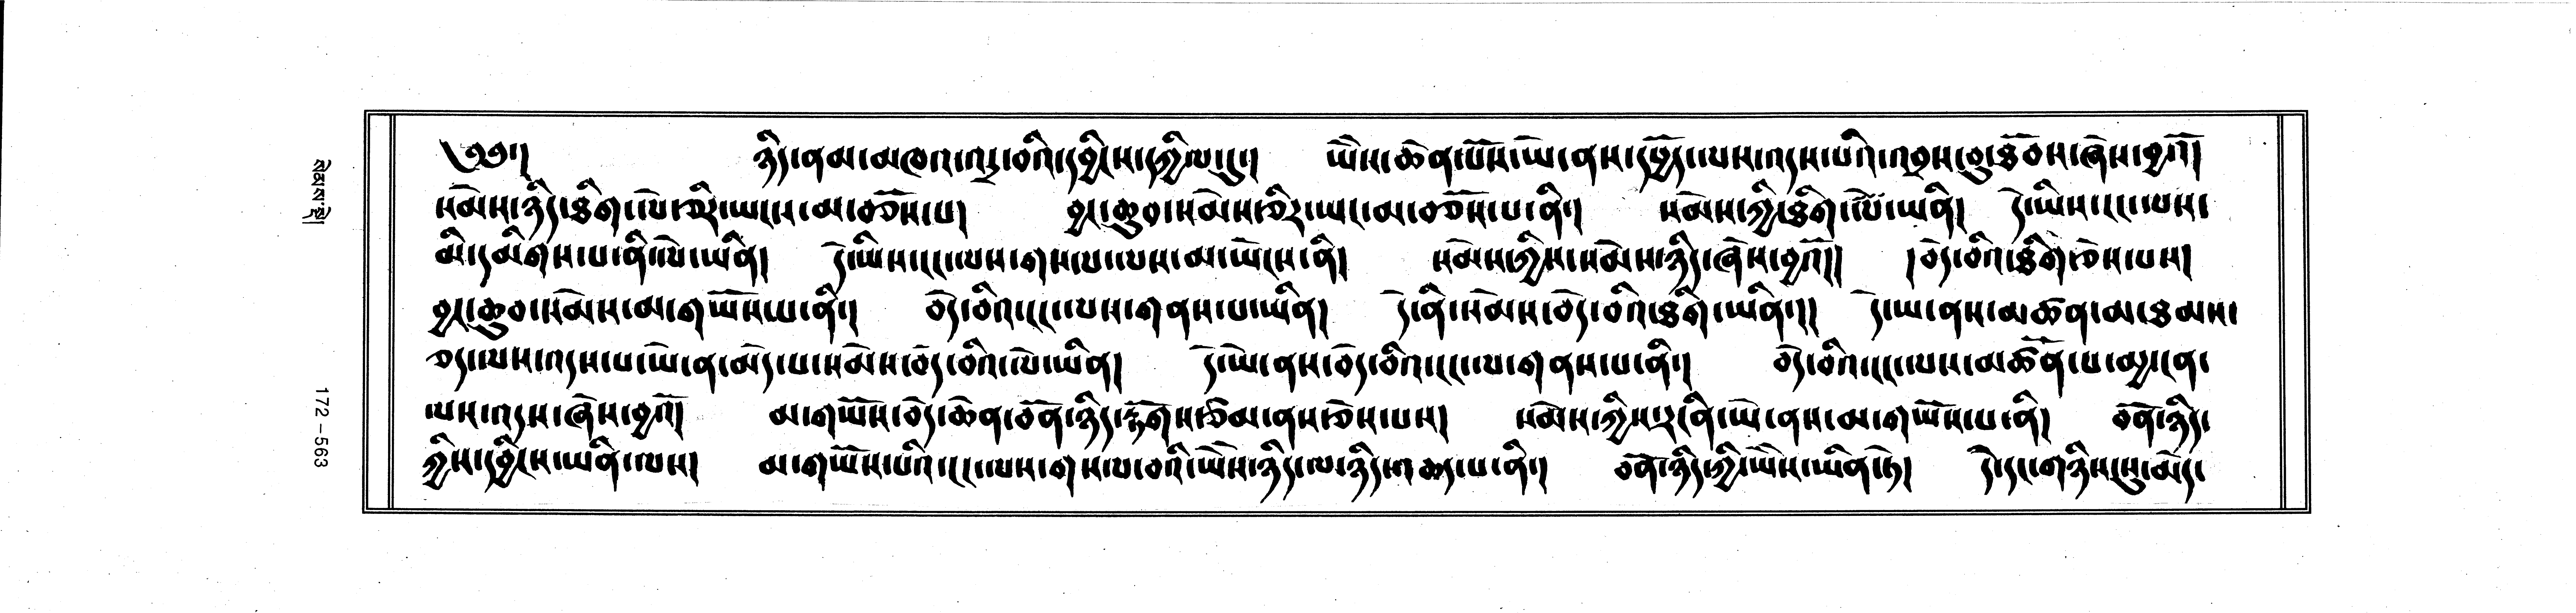ཉིད་ནམ་མཁའ་འདྲ་བའི་དབྱིངས་དཀྱིལ་དུ། ཡེ་ཤེས་ཆེན་པོས་ཡེ་ནས་དཔྱོད་ལས་འདས་པའི་འབྲས་བུ་ཐོབ་ཞེས་བྱའོ། 
སེམས་ཉིད་ཐིག་ལེ་ཅིར་ཡང་མ་བཅོས་པ། བྱང་ཆུབ་སེམས་ཅིར་ཡང་མ་བཅོས་པ་ནི། སེམས་ཀྱི་ཐིག་ཡིན། དེ་ཡིས་ངང་ལས་
མི་དམིགས་པ་ནི་ལེ་ཡིན། དེ་ཡིས་ངང་ལས་གསལ་ལས་མ་གཡེངས་པ་ནི། སེམས་ཀྱིས་སེམས་ཉིད་ཞེས་བྱའོ། བདེ་བའི་ཐིག་ཅེས་པས། 
བྱང་ཆུབ་སེམས་མ་གཡོས་པ་ནི། བདེ་བའི་ངང་ལས་གནས་པ་ཡིན། དེ་ནི་སེམས་བདེ་བའི་ཐིག་ཡིན། དེ་ཡེ་ནས་མཚན་མ་ཐམས་
ཅད་ལས་འདས་པ་ཡེ་ན་མེད་པ་སེམས་བདེ་བའི་ལེ་ཡིན། དེ་ཡེ་ནས་བདེ་བའི་ངང་ལ་གནས་པ་ནི། བདེ་བའི་ངང་ལས་མཚོན་པ་མྱ་ངན་
ལས་འདས་ཞེས་བྱའོ། མ་གཡོས་བདེ་ཆེན་བོན་ཉིད་རྟོགས་ཙམ་ནས་ཅེས་པས། སེམས་ཀྱིས་རང་བཞིན་ཡེ་ནས་མ་གཡོས་པ་ནི། བོན་ཉིད་
ཀྱིས་དབྱིངས་ཡིན་ལས། མ་གཡོས་པའི་ངང་ལས་གསལ་བའི་ཡེ་ཤེས་ཉིད་ལ་ཉིད་འཆད་པ་ནི། བོན་ཉིད་ཀྱི་ཡེ་ཤེས་ཡིན་ཏེ། དེ་དང་གཉིས་སུ་མེད་